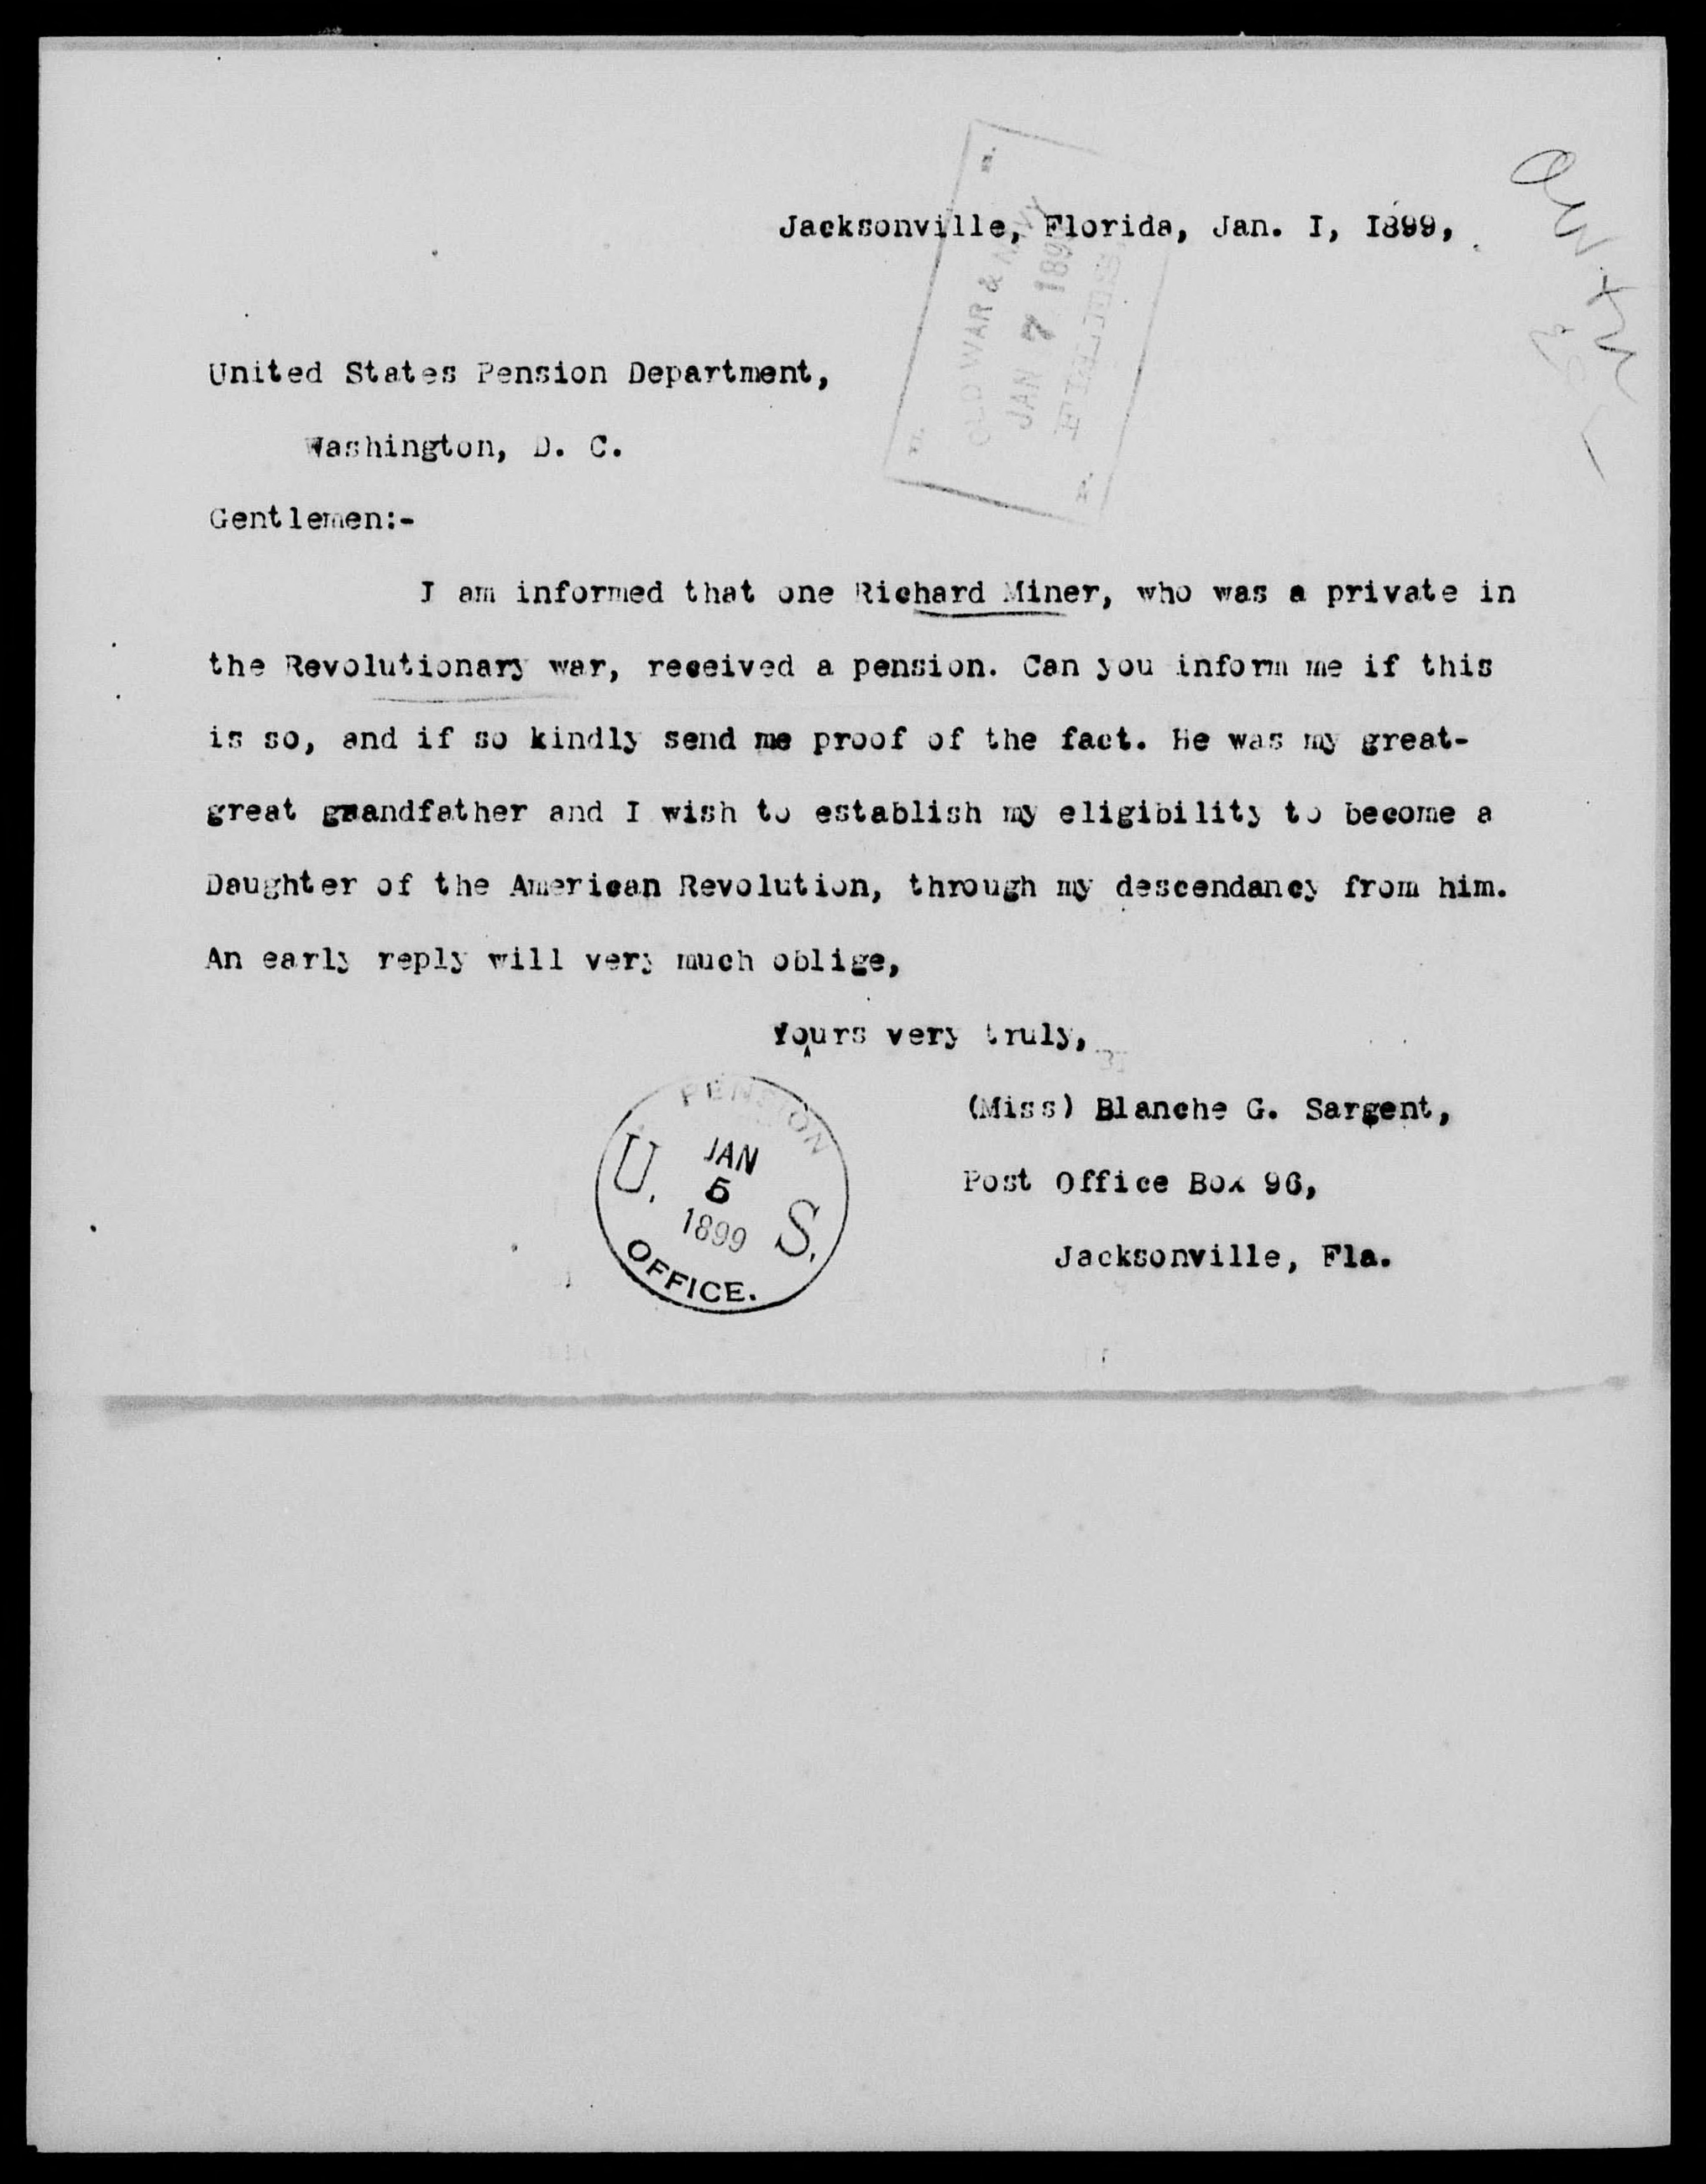Jacksonville, Florida, Jan. 1, 1899,
United States Pension Department, Washington, D.C.
Gentlemen:-
I am informed that one Richard Miner, who was a private in the Revolutionary war, received a pension. Can you inform me if this is so, and if so kindly send me proof of the fact. He was my great great grandfather and I wish to establish my eligibility to become a Daughter of the American Revolution, through my descendancy from him. An early reply will very much oblige. 
Yours very truly, 
(Miss) Blanche G. Sargent,
Post Office Box 96, 
Jacksonville, Fla.
U.S. Pension Office Jan 5 1899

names: Richard Miner; Blanche G Sargent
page: 13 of 34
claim: survivor's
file: S. 13944, for Richard Miner, Massachusetts